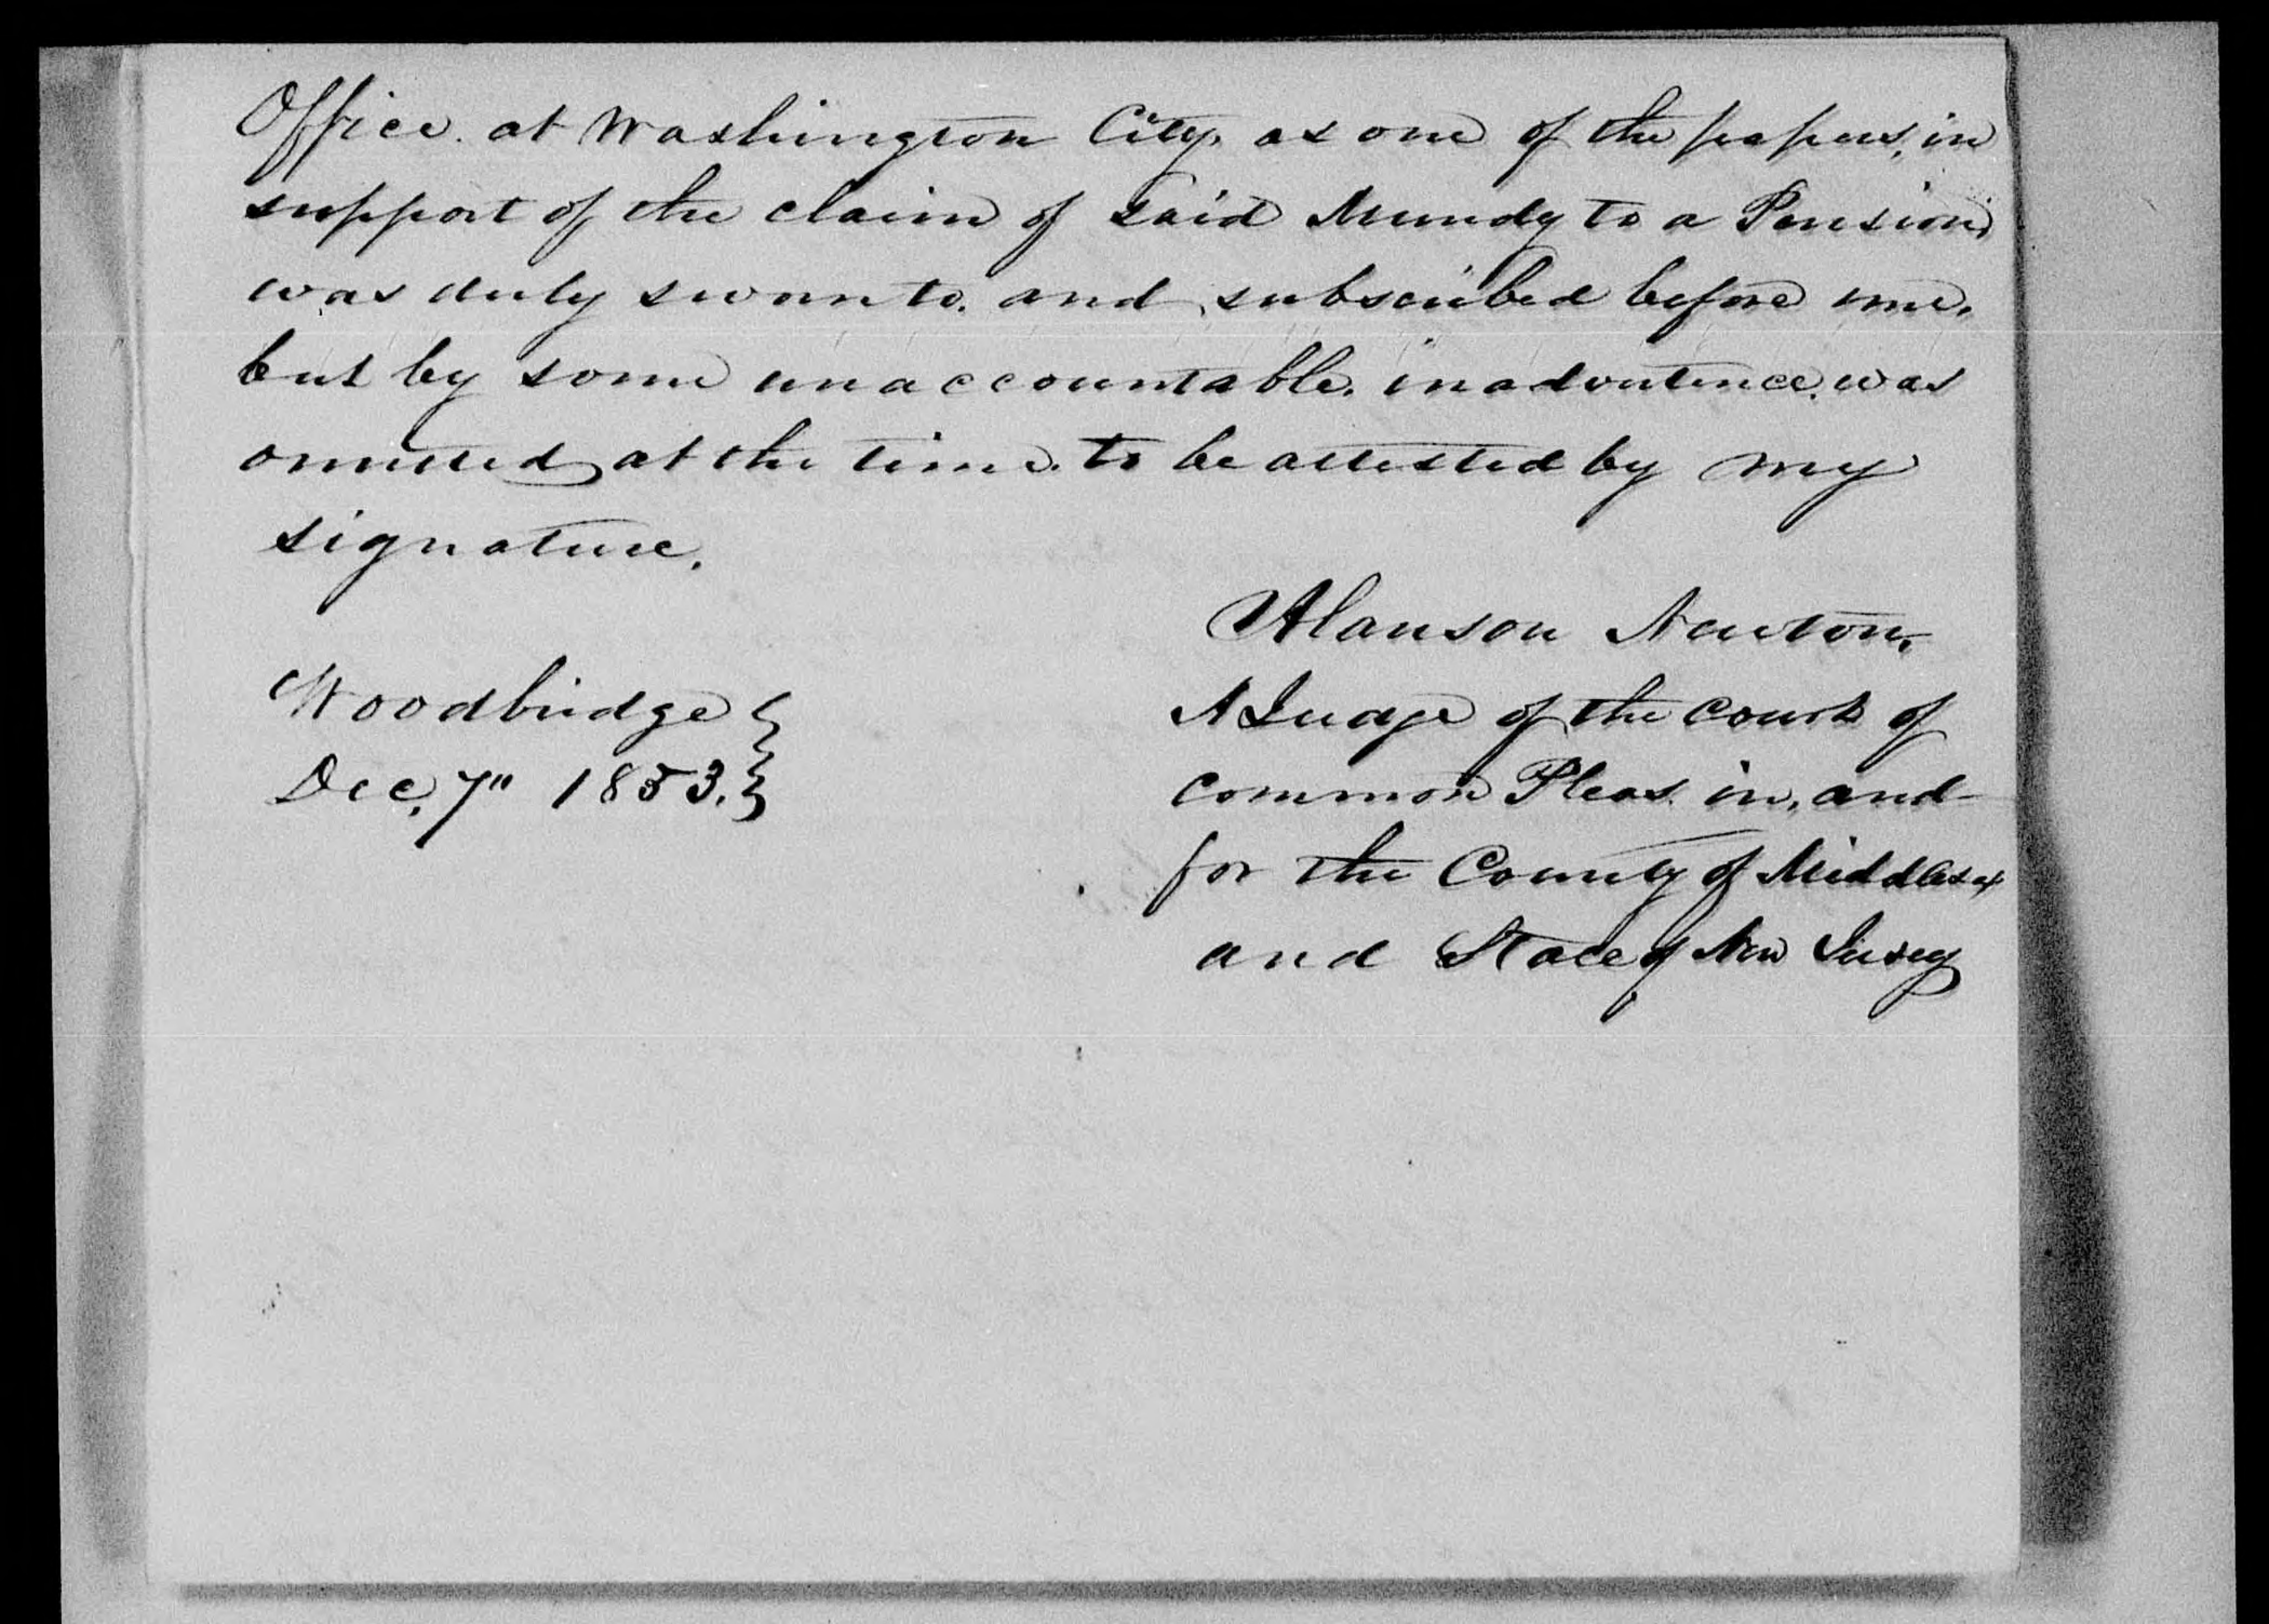...Office at Washington City, as one of the papers in support of the claim of said Mundy to a pension, was duly sworn to and subscribed before me, but by some unaccountable inadvertence was omitted at the time to be attested by my signature.

Woodbridge, Dec 7 1853.

Alanson Newton, a Judge of the Court of Common Pleas in and for the County of Middlesex and State New Jersey.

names: [BLANK] Mundy; Alanson Newton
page: 81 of 95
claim: survivor's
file: S 2889, for Levi Mundy, New Jersey